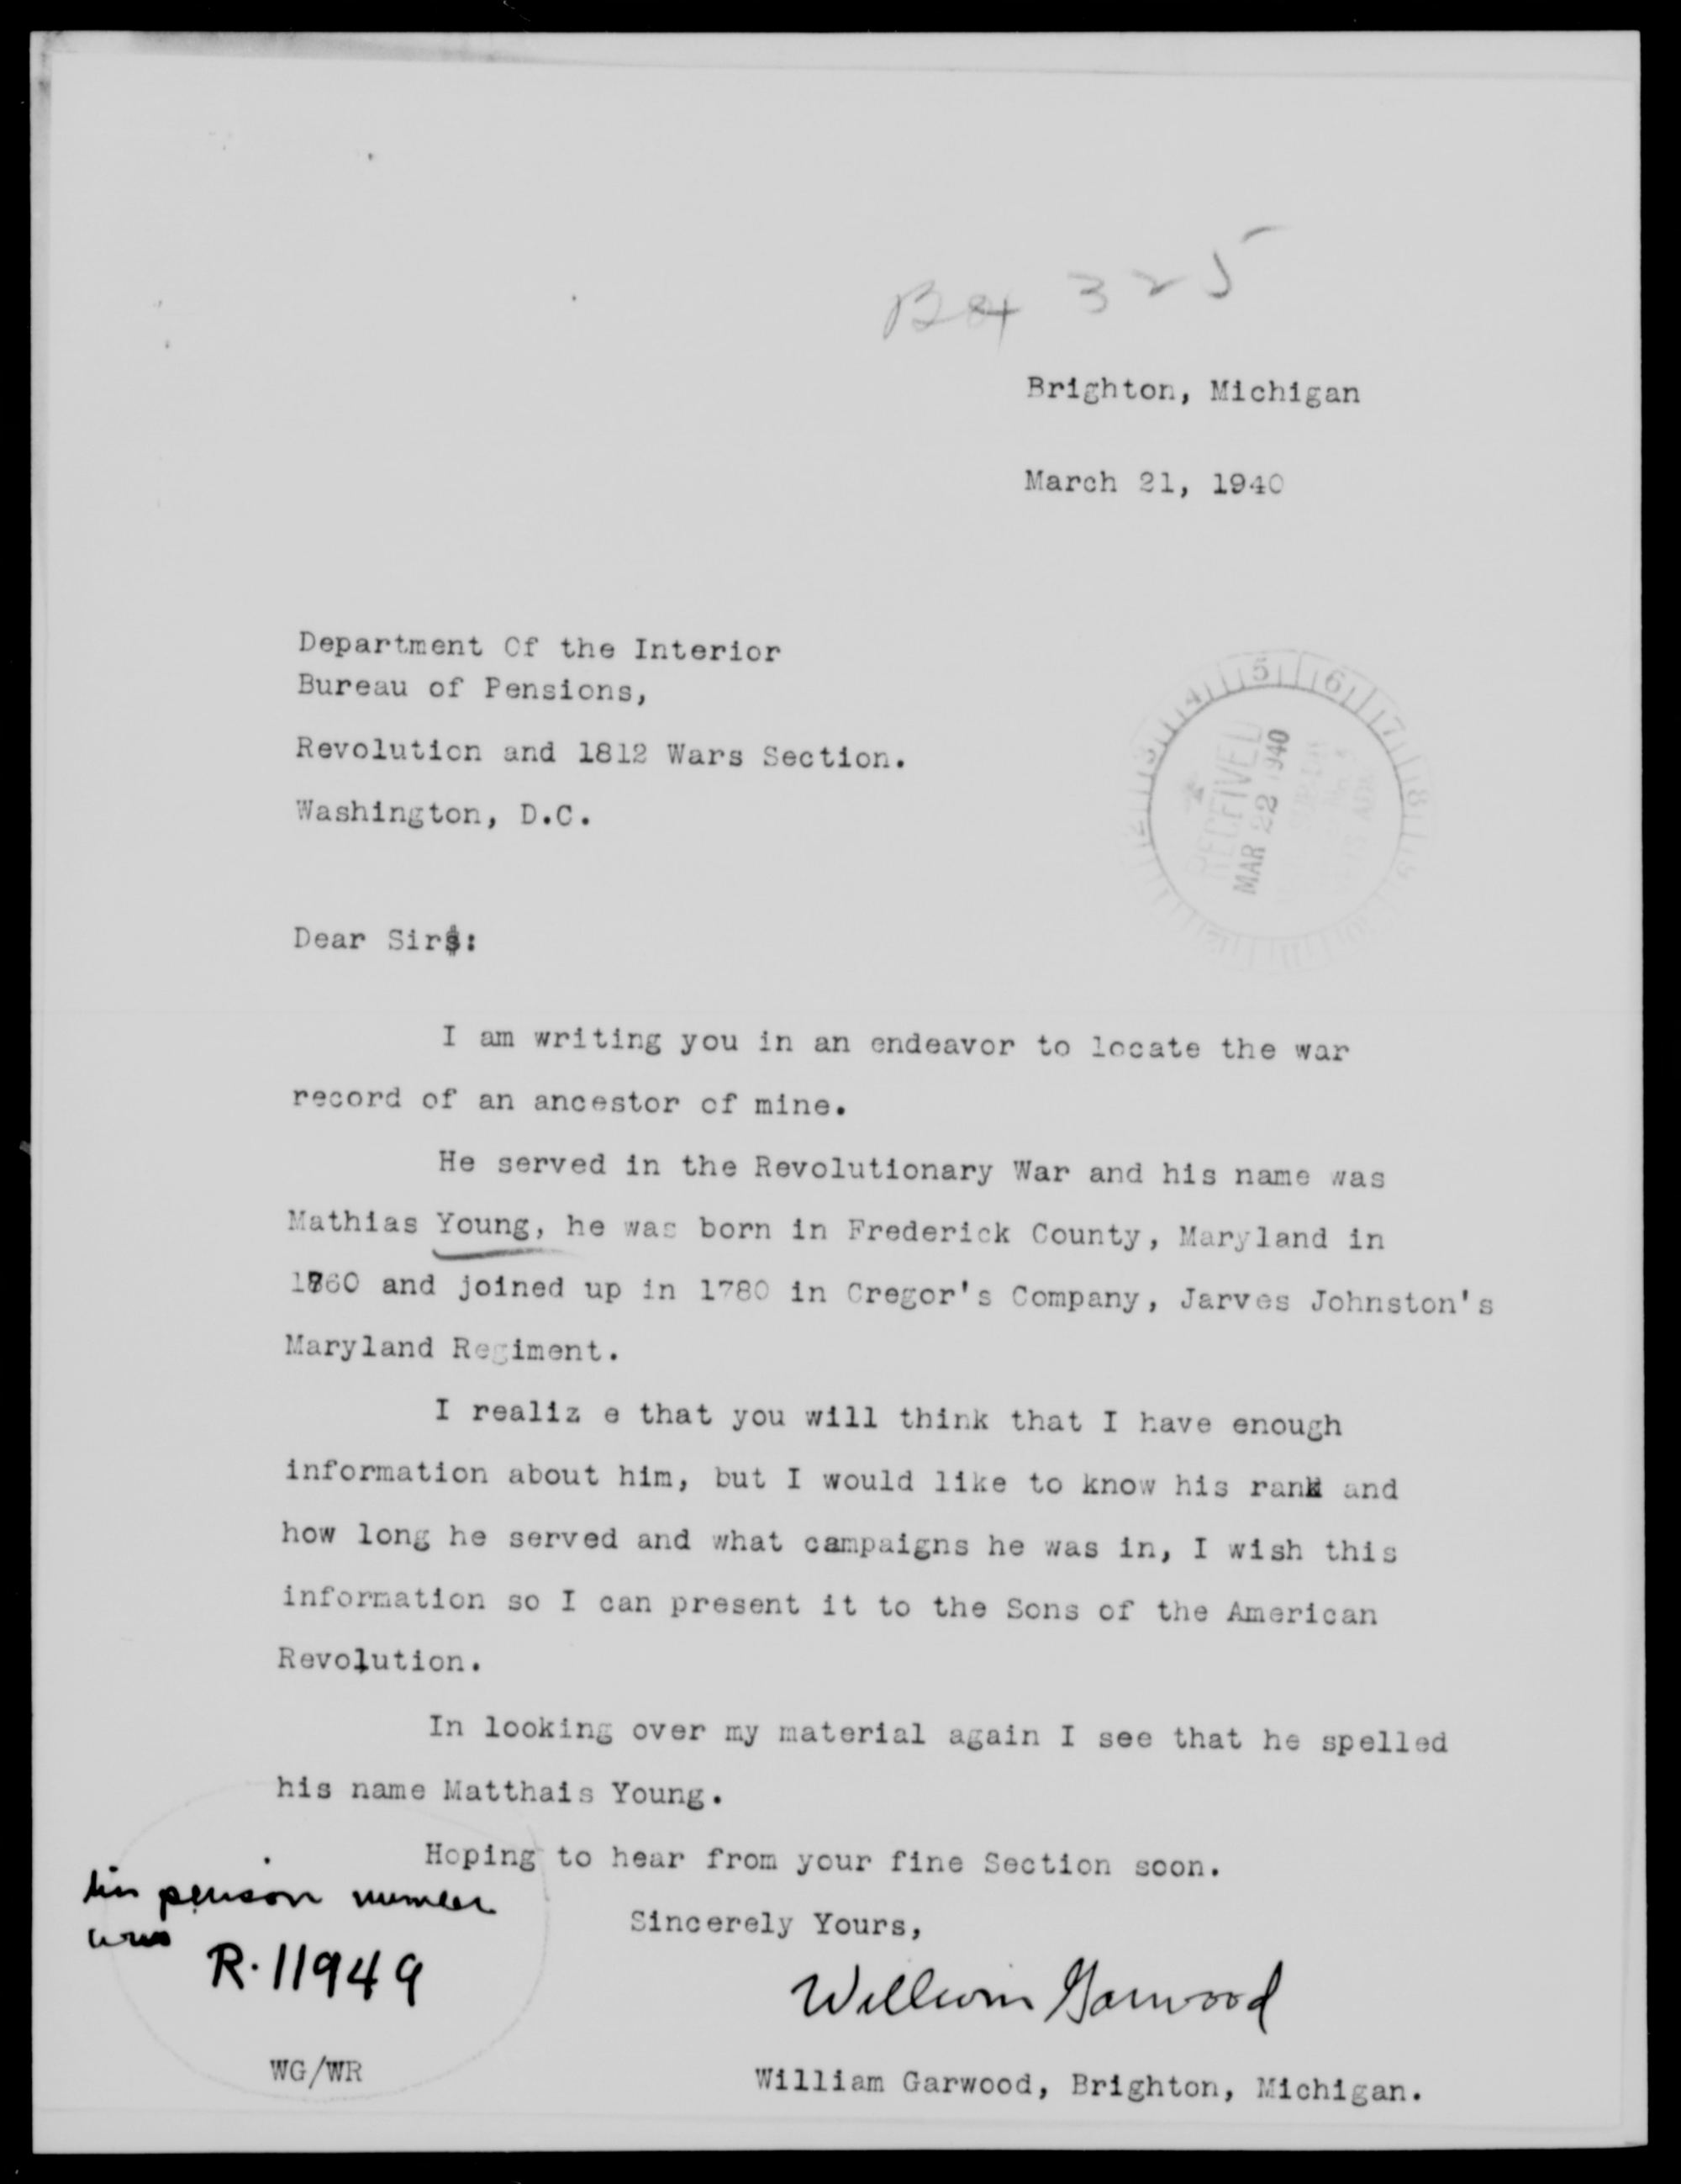B 84 325
Brighton, Michigan
March 21, 1940

[circle stamp]
RECEIVED 
MAR 22 1940
[illegible]

Department of the Interior
Bureau of Pensions,
Revolution and 1812 Wars Section.
Washington, D. C.

Dear Sirs:
I am writing you in an endeavor to locate the war record of an ancestor of mine.
He served in the Revolutionary War and his name was Mathias Young, he was born in Frederick County, Maryland in
1760 and joined up in 1780 in Cregor's Company, Jarves Johnston's
Maryland Regiment.
I realize that you will think that I have enough
information about him, but I would like to know his rank and how long he served and what campaigns he was in, I wish this information so I can present it to the Sons of the American Revolution.
In looking over my material again I see that he spelled his name Matthais Young,
Hoping to hear from your fine section soon.
Sincerely Yours,
William Garwood
William Garwood, Brighton, Michigan.
WG/WR

his pension no
R. 11949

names: Mathias Young, William Garwood, Matthais Young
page: 56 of 123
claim: rejected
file: R. 11,949, Matthias Young, Md.